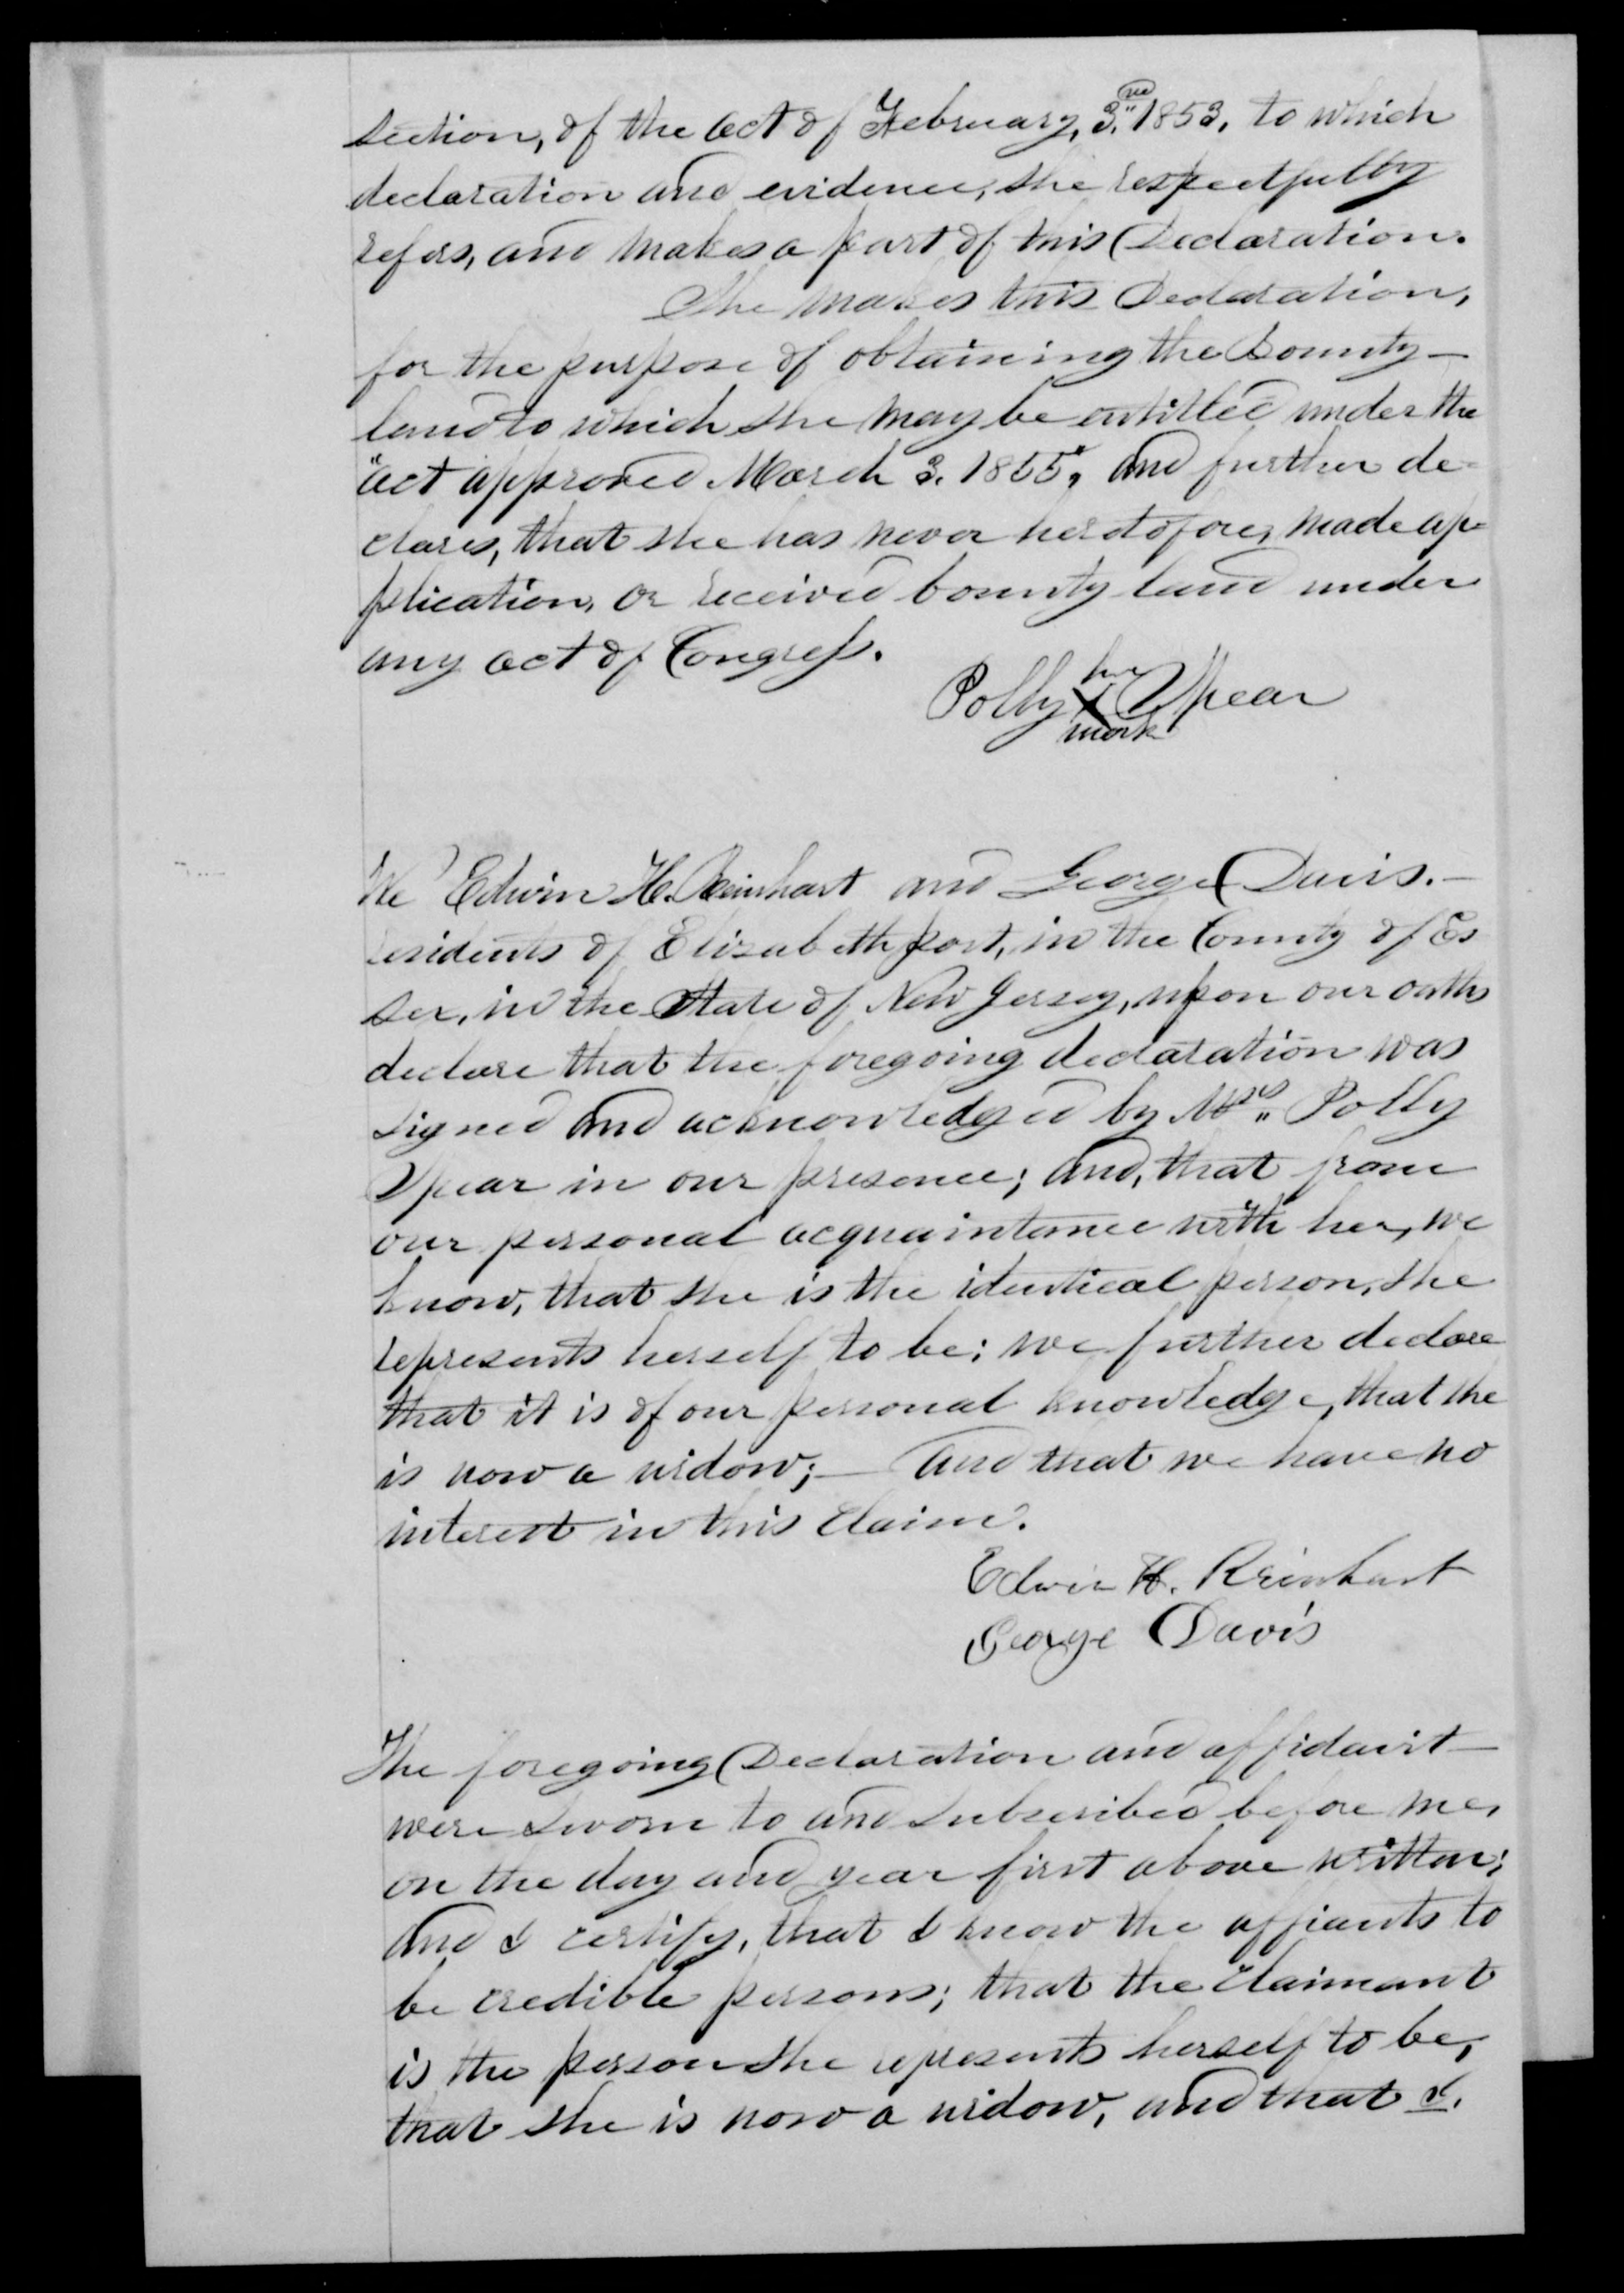Section, of the act of February, 3rd, 1853, to which declaration and evidence, she respectfully refers, and makes a part of this Declaration.
She makes this Declaration, for the purpose of obtaining the Bounty land to which she may be entitled under the "act approved March 3, 1855," and further declares, that she has never heretofore, made application, or received bounty land under any act of Congress.
/s/X her mark Polly Spear
We Edwin H. Reinhart and George Davis. - residents of Elizabethport, in the County of Essex, in the State of New Jersey, upon our oath declare  that the foregoing declaration was signed and acknowledged by Mrs. Polly Spear in our presence; and, that from our personal acquaintance with her, we know, that she is the identical person, she represents herself to be; we further declare that it is of our personal knowledge, that she  is now a widow; and that we have no interest in this claim.
/s/Edwin H. Reinhart
/s/George Davis
The foregoing Declaration and affidavit were sown to and subscribed before me, on the day and year first above written; and I certify, that I know the affiants to be credible persons; that the claimant is the person she represents herself to be, that she is now a widow, and that I,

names: Edwin H Reinhart; Polly Spear; Edwin H Reinhart; George Davis; George Davis; Polly Spear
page: 10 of 65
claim: widow's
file: W. 7197, for Jonathan Spear, Vermont